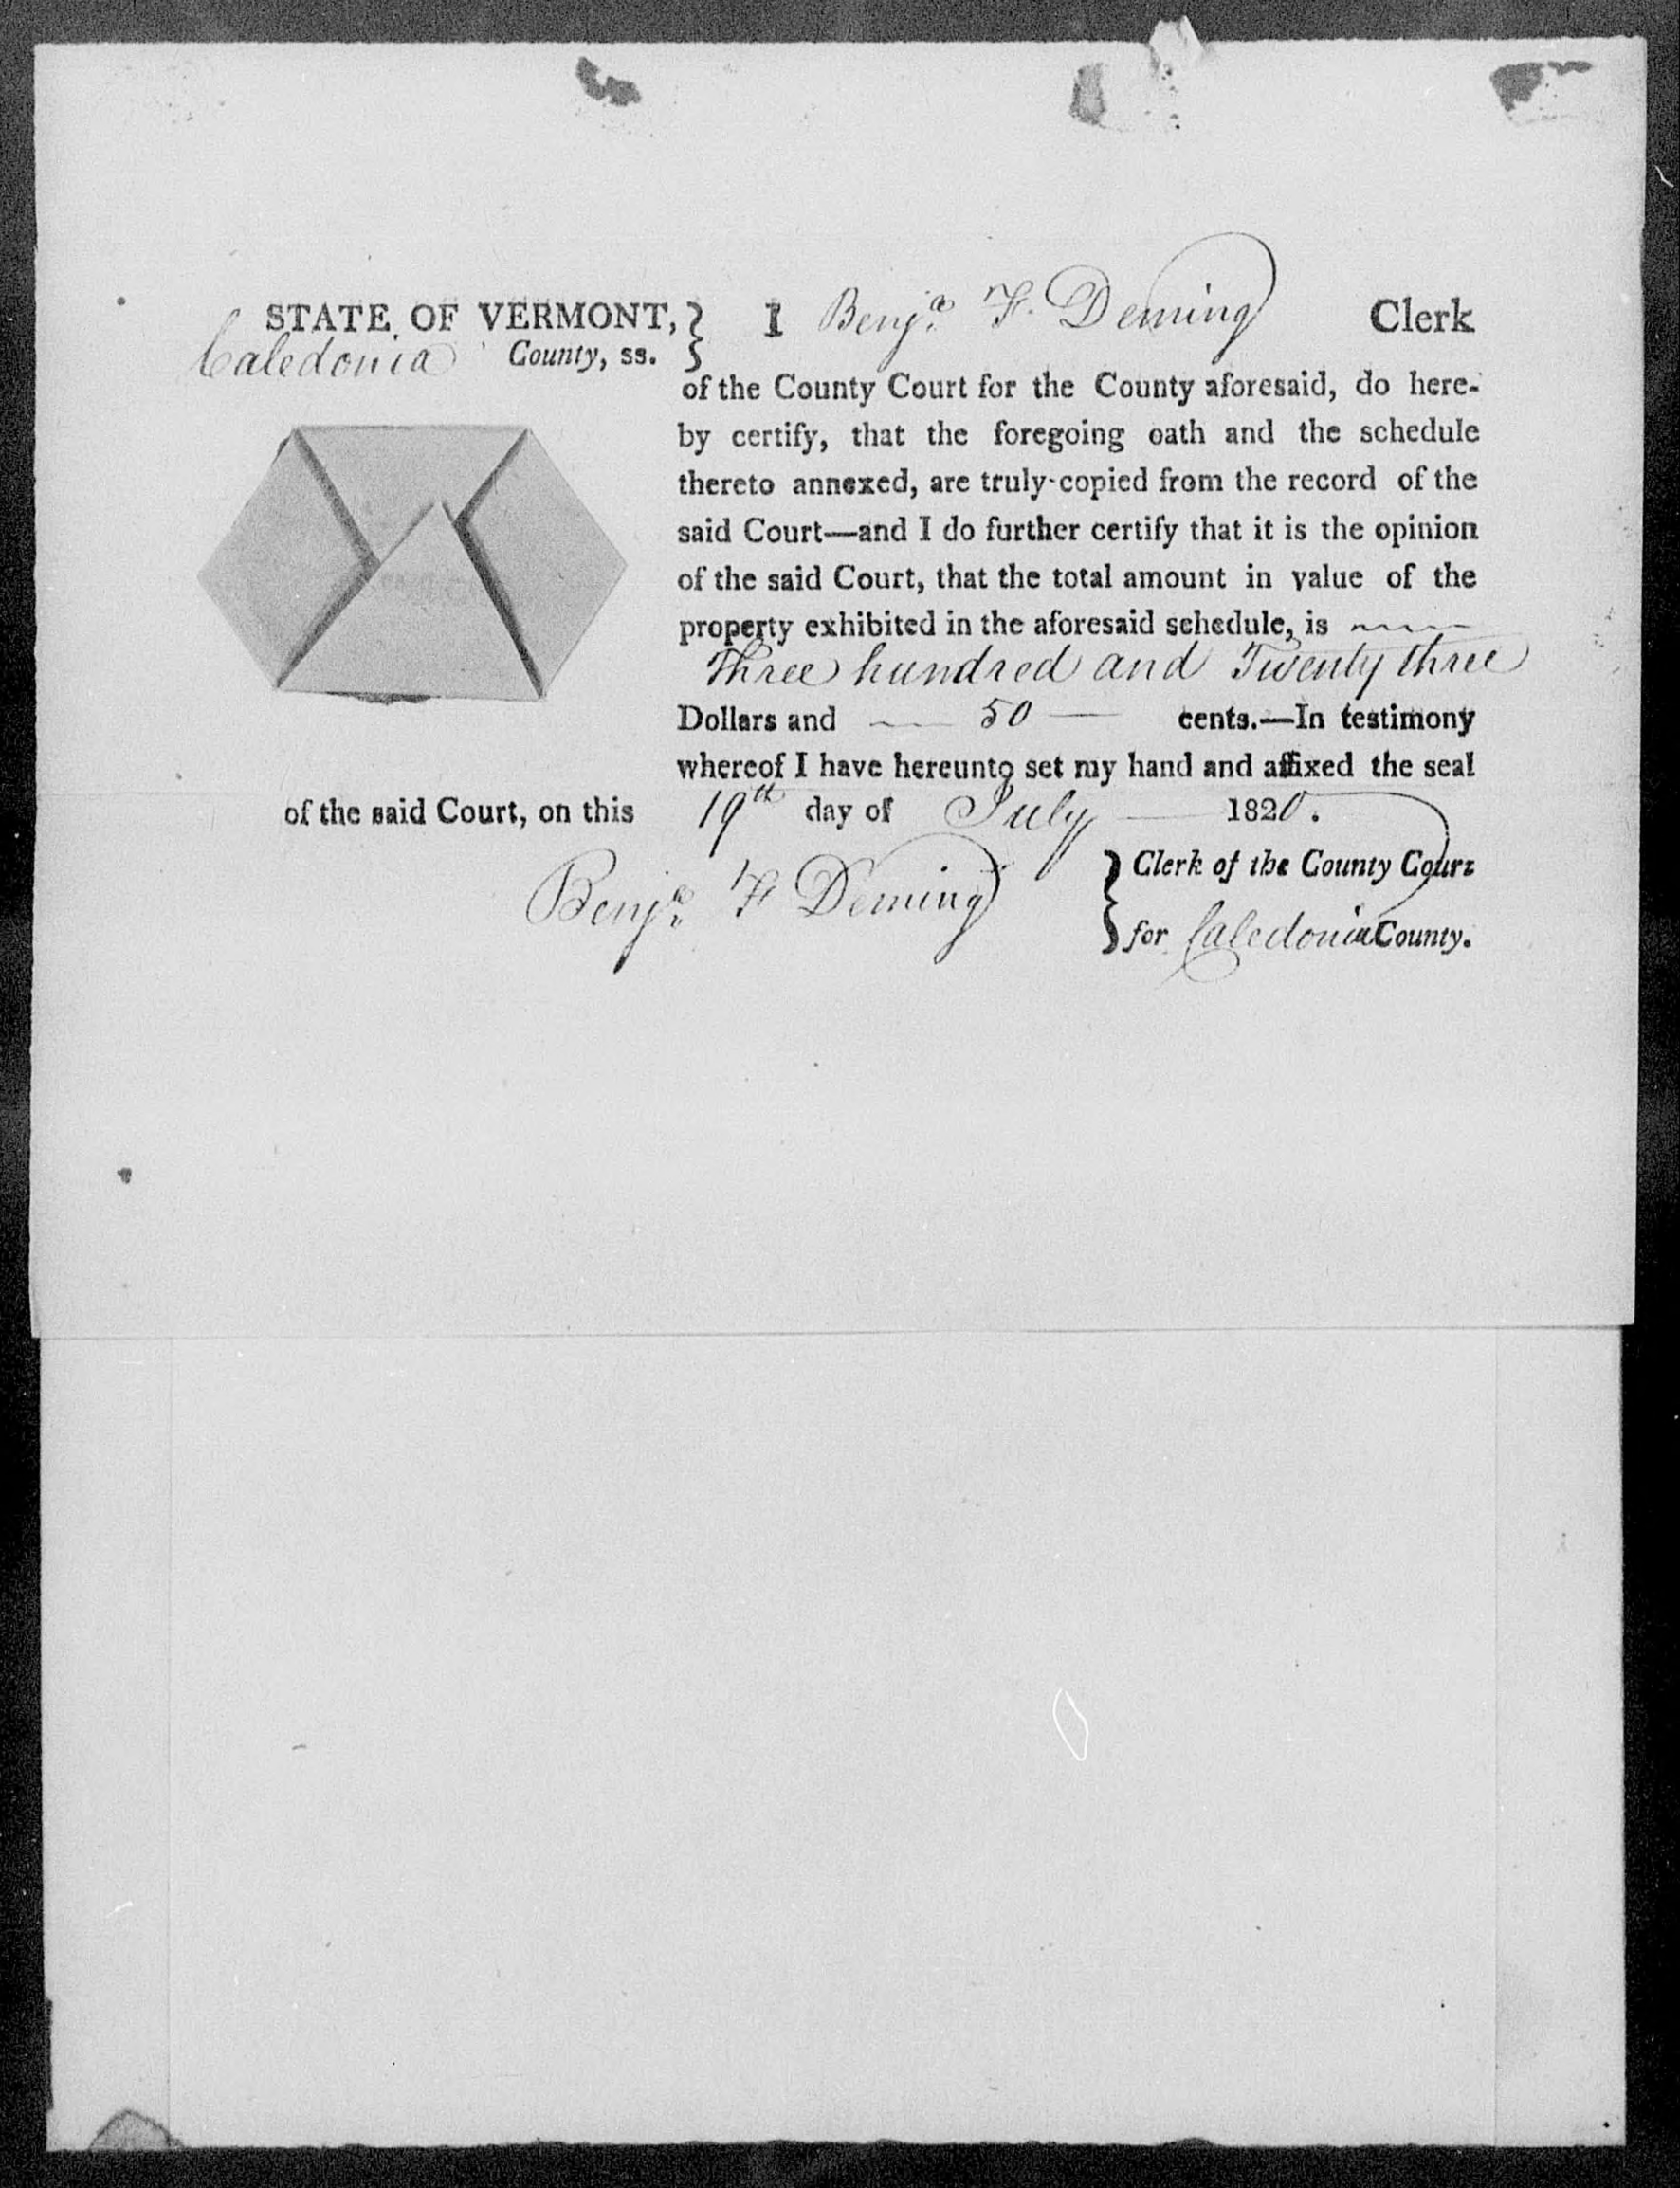STATE OF VERMONT,}
Caledonia County ss.}

I Benjn F. Deming Clerk of the County Court for the County aforesaid, do hereby certify, that the foregoing oath and the schedule thereto annexed, are truly copied from the record of the
said Court - and I do further certify that it is the opinion of the said Court, that the total amount in value of the property exhibited in the aforesaid schedule, is ~ Three hundred and Twenty three Dollars and 50 cents. - In testimony
whereof I have hereunto set my hand and affixed the seal of the said Court, on this 19th day of July
1820.
Benj F Deming} Clerk of the County Court
                          for Caledonia County.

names: Benja F Deming, Benja F Deming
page: 53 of 67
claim: widow's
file: W. 23772, James Campbell, Continental Mass.